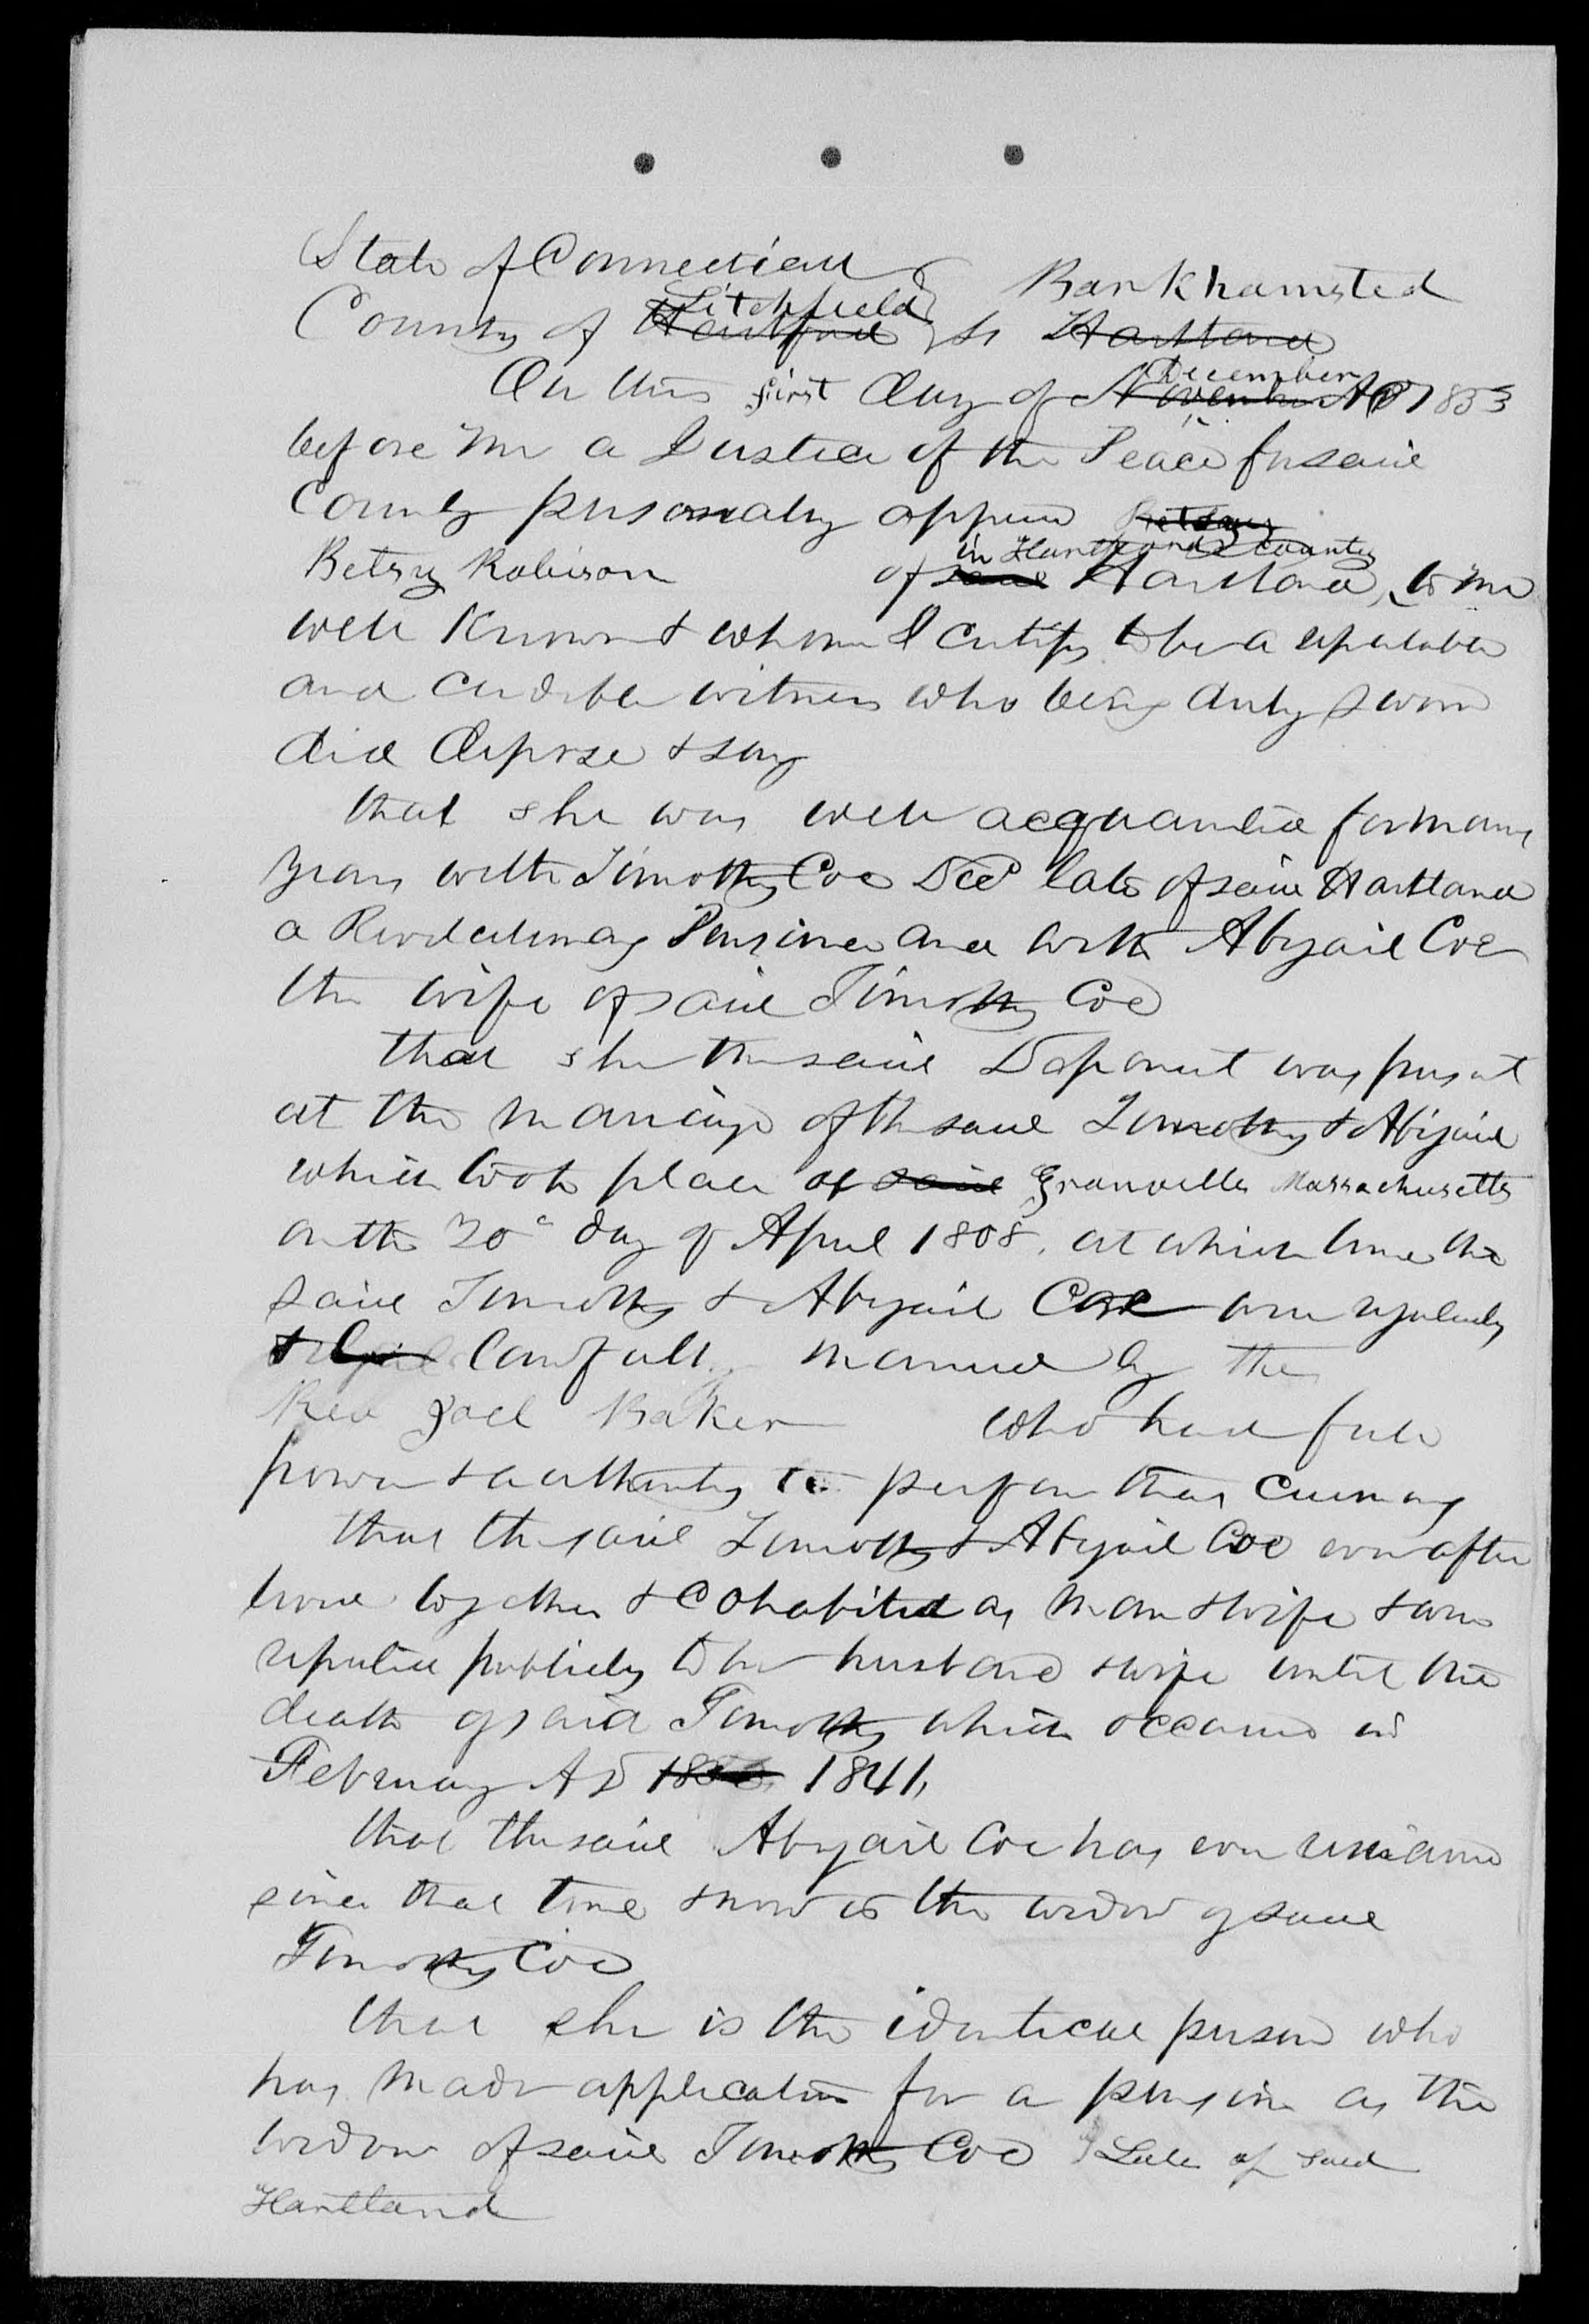State of Connecticut
County of Harford} ss. Hartland
On this first day of December AD 1853 before me a Justice of the Peace for said county personally appeared Betsey Robinson of said Hartland in Hartford County to me well known & whom I certify to be a reputable and credible witness who being duly sworn did depose & say
that she was well acquainted for many years with Timothy Coe decd late of said Hartland a Revolutionary Pensioner and with Abigail Coe the wife of said Timothy Coe
that she the said Deponent was present at the marriage of the said Timothy & Abigail which took place on Granville Massachusetts on the 20th day of April 1808, at which time the said Timothy & Abigail Coe were regularly lawful married by the Rev Joel Baker who had full power & authority to perform their ceremony
that the said Timothy & Abigail Coe ever after lived together & cohabitated as man & wife & am reputed [unk] to her husband & wife until the death of said Timothy which occurred in February AD 1841
that the said Abigail Coe has ever remained since that time & now the widow of said Timothy Coe
that she is the identical person who has made application for a pension as the widow of said Timothy Coe late of said Hartland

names: Abigail Coe, Timothy Coe, Joel Baker, Timothy Coe, Abigail Coe, Timothy Coe, Abigail Coe, Abigail, Timothy, Timothy, Betsy Robison, Timothy Coe, Timothy Coe, Timothy Coe, Abigail Coe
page: 63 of 76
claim: widow's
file: W. 5,250, Timothy Coe, Conn.